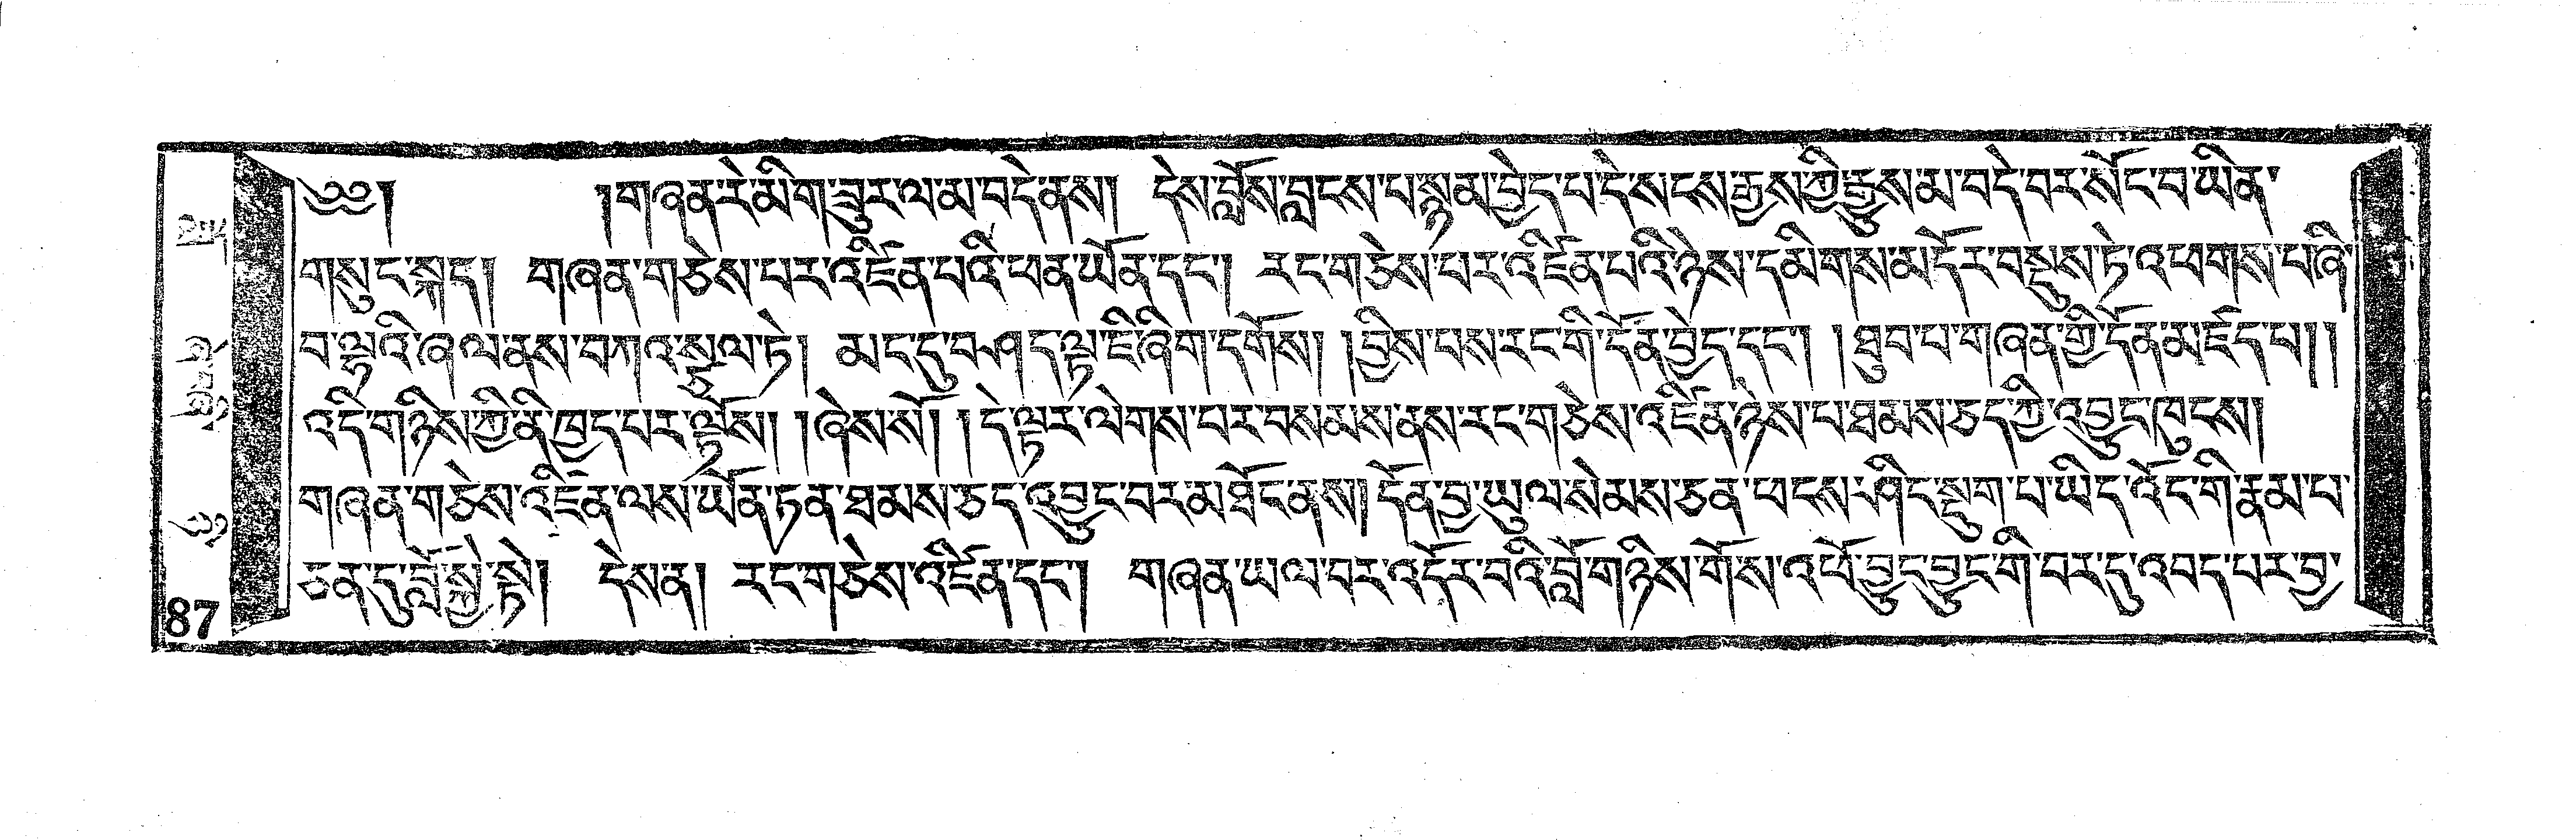༄༅། །གཞན་རེ་མིག་ཟུར་ལ་མ་བདེ་ནས། དེས་བློས་བླངས་པ་སྙམ་བྱེད་པ་དེ་སངས་རྒྱས་ཀྱི་རྒྱུས་མ་བདེ་བར་སོང་བ་ཡིན་
གསུང་སྐད། གཞན་གཅེས་པར་འཛིན་པའི་ཕན་ཡོན་དང་། རང་གཅེས་པར་འཛིན་པའི་ཉེས་དམིགས་མདོར་བསྡུས་ཏེ་འཕགས་པ་ཞི་
བ་ལྷའི་ཞལ་ནས་བཀའ་སྩལ་ཏེ། མང་དུ་བཤད་ལྟ་ཇི་ཞིག་དགོས། །བྱིས་པས་རང་གི་དོན་བྱེད་དང་། །ཐུབ་པ་གཞན་གྱི་དོན་མཛད་པ། །
འདི་གཉིས་ཀྱི་ནི་ཁྱད་པར་ལྟོས། །ཞེས་སོ། །དེ་ལྟར་ལེགས་པར་བསམས་ནས་རང་གཅེས་འཛིན་ཉེས་པ་ཐམས་ཅད་ཀྱི་འབྱུང་ཁུངས།
གཞན་གཅེས་འཛིན་ལས་ཡོན་ཏན་ཐམས་ཅད་འབྱུང་བར་མཐོང་ནས། དོན་བྱ་ཡུལ་སེམས་ཅན་ཕངས་ཤིང་སྡུག་པ་ཡིད་འོང་གི་རྣམ་པ་
ཅན་དུ་བློ་སྐྱེ་སྟེ། དེས་ན། རང་གཅེས་འཛིན་དང་། གཞན་ཡལ་བར་འདོར་བའི་བློ་གཉིས་གོ་ས་འཕོ་བྱུང་བྱུང་གི་བར་དུ་འབད་པར་བྱ་